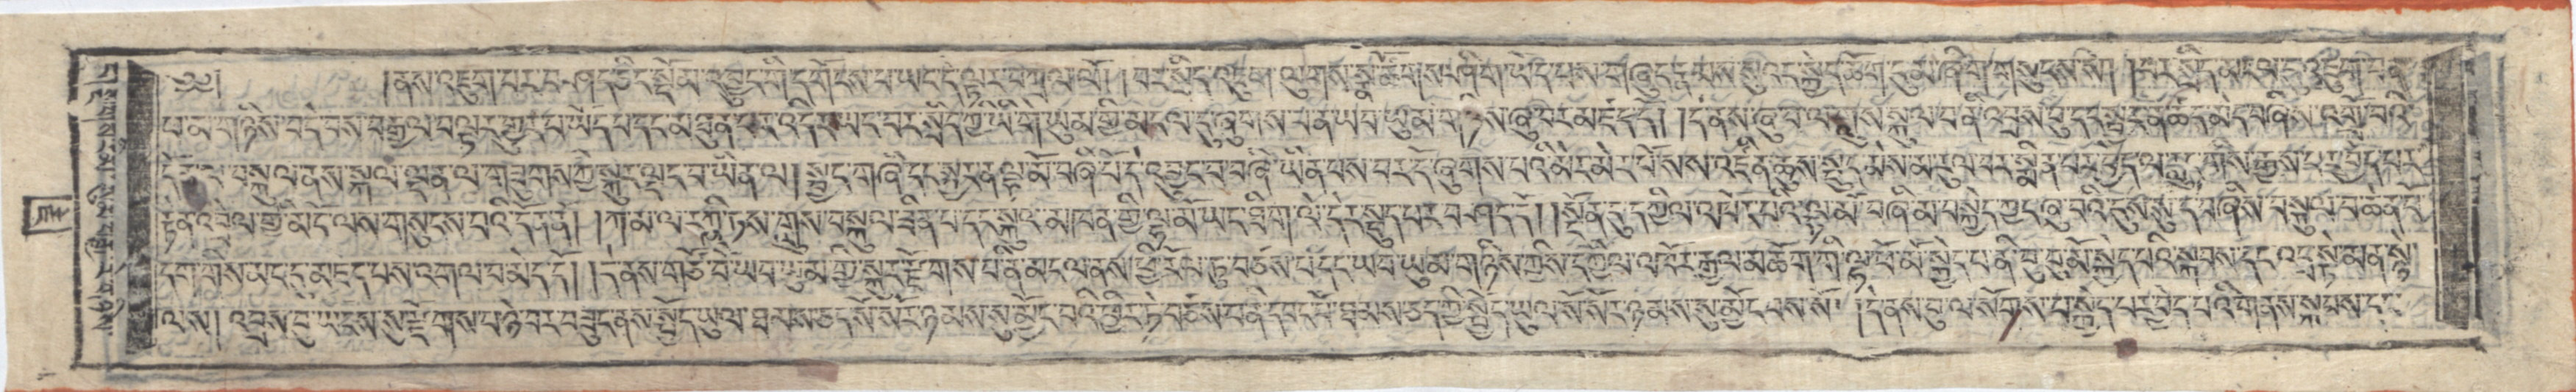༄༅། །ནས་འཇུག་པར་བཤད་ཅིང་སྡོམ་འབྱུང་གི་དགོངས་པ་ཡང་དེ་ལྟར་བཀྲལ་ལོ། །བར་སྲིད་འཇུག་ལུགས་སྣ་ཚོགས་ཤིག་ཡོད་པས་གཞུང་རྣམས་སུའང་སྐྱེད་ཆོག་དུམ་ཞིག་གསུངས་སོ། །བར་སྲིད་མངལ་དུ་འཇུག་བ་ན་
ཕ་མ་གཉིས་བདེ་བས་བརྒྱལ་བལྟར་གྱུར་པ་ཡོད་པ་དང་མཐུན་པར་འདིར་ཡང་བར་སྲིད་ཀྱི་ཡི་གེ་ཡུམ་གྱི་མངལ་དུ་ཞུགས་པ་ན་ཡབ་ཡུམ་གཉིས་ཞུ་བར་མཛད་དོ། །དེ་ནས་ཞུ་བ་ལ་གླུས་སྐུལ་བ་ནི་འབྲས་བུ་དང་སྦྱར་ན་ཚད་མེད་བཞིས་འགྲོ་བའི་
དོན་ལ་བསྐུལ་ནས་སྐལ་ལྡན་ལ་གཟུགས་ཀྱི་སྐུར་ལྡང་བ་ཡིན་ལ། སྦྱང་གཞི་དང་སྦྱར་ན་ལྷ་མོ་བཞི་པོ་དེ་འབྱུང་བ་བཞི་ཡིན་པས་བར་དོ་ཞུགས་པའི་མེར་མེར་པོ་སས་འཛིན་ཆུས་སྡུད་མེས་མ་རུལ་བར་སྨིན་པར་བྱེད་ལ་རླུང་གིས་རྒྱས་བར་བྱེད་པར་
རྟེན་འབྲེལ་གྱི་མདོ་ལས་གསུངས་པའི་དོན་ནོ། །ཀ་མ་ལ་རཀྵི་ཏས་གླུས་བསྐུལ་ཟིན་པ་དང་སྐུལ་མཁན་གྱི་ལྷ་མོ་ཡང་ཐིག་ལེ་དེར་སྡུད་པར་བཤད་དོ། །སྔོན་དུ་དཀྱིལ་འཁོར་བའི་ལྷ་མོ་བཞི་མ་བསྐྱེད་ཀྱང་ཞུ་བའི་དུས་སུ་དེ་བཞིས་བསྐུལ་བ་ཆེན་པོ་
དག་གིས་མང་དུ་མཛད་པས་འགལ་བ་མེད་དོ། །དེ་ནས་གཙོ་བོ་ཡབ་ཡུམ་གྱི་སྐུར་རྫོགས་པ་ནི་མངལ་ནས་ཕྱི་རོལ་ཏུ་བཙས་པ་དང་ཡབ་ཡུམ་གཉིས་ཀྱིས་དཀྱིལ་འཁོར་རྒྱལ་མཆོག་གི་ལྷ་ཕོ་མོ་སྐྱེད་པ་ནི་བུ་བུ་མོ་སྐྱེད་པའི་སྐབས་དང་འདྲ་སྟེ་མན་སྙེ་
ལས། འབྲས་བུ་ཡོངས་སུ་རྫོགས་པ་ཉེ་བར་བཟུང་ནས་སྤྱོད་ཡུལ་ཐམས་ཅད་སོ་སོར་ཉམས་སུ་མྱོང་བའི་ཕྱིར་ཏེ་བཅོས་པ་ནི་དབང་པོ་ཐམས་ཅད་ཀྱི་སྤྱོད་ཡུལ་སོ་སོར་ཉམས་སུ་མྱོང་བས་སོ། །དེ་ནས་བུ་ལ་སོགས་པ་སྐྱེད་པར་བྱེད་པའི་གནས་སྐབས་དང་